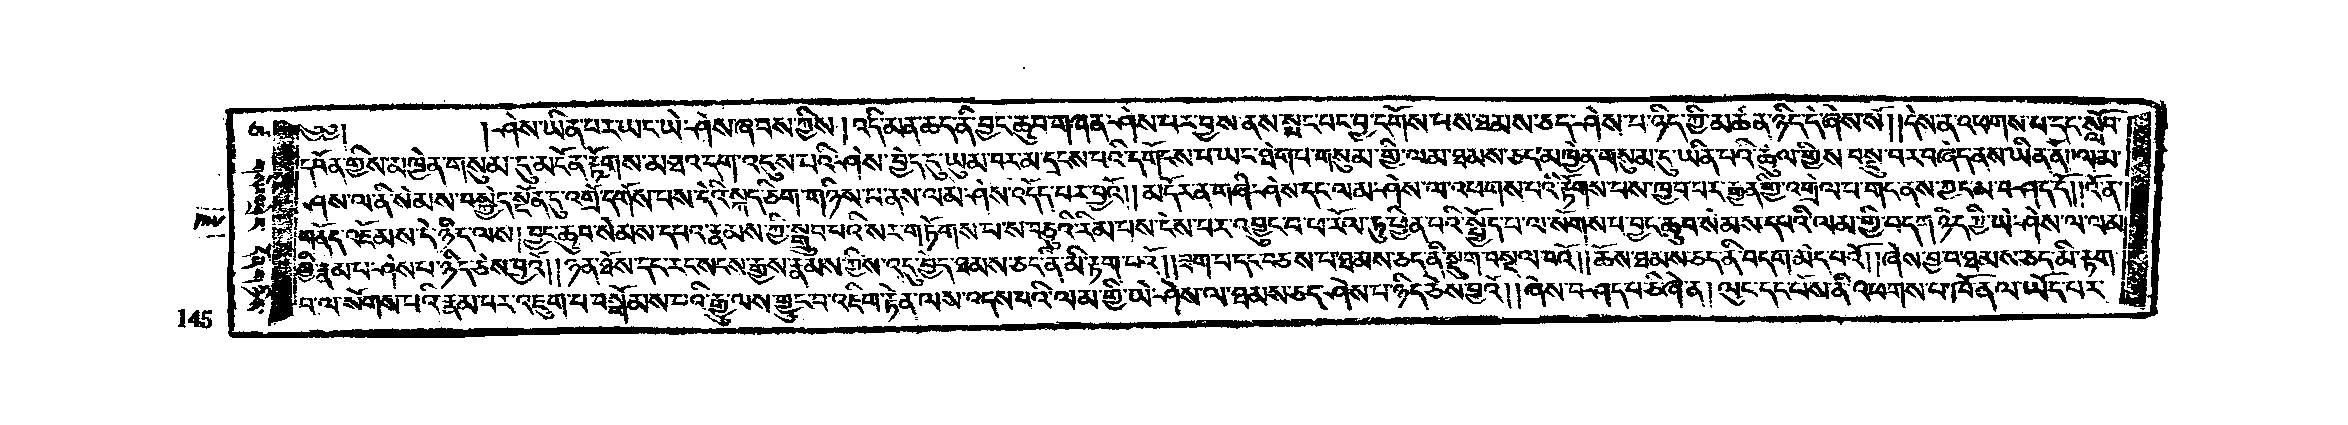༄༅། །ཤེས་ཡིན་པར་ཡང་ཡེ་ཤེས་ཞབས་ཀྱིས། འདི་མན་ཆད་ནི་བྱང་ཆུབ་གཞན་ཤེས་པར་བྱས་ནས་སྤང་བར་བྱ་དགོས་པས་ཐམས་ཅད་ཤེས་པ་ཉིད་ཀྱི་མཚན་ཉིད་དེ་ཞེས་སོ། །དེས་ན་འཕགས་པ་དང་སློབ་
དཔོན་གྱིས་མཁྱེན་གསུམ་དུ་མངོན་རྟོགས་མཐའ་དག་འདུས་པའི་ཤེས་བྱེད་དུ་ཡུམ་བར་མ་དྲངས་པའི་དགོངས་པ་ཡང་ཐེག་པ་གསུམ་གྱི་ལམ་ཐམས་ཅད་མཁྱེན་གསུམ་དུ་ཡིན་པའི་ཚུལ་གྱིས་བསྡུ་བར་བཞེད་ནས་ཡིན་ནོ། །ལམ་
ཤས་ལ་ནི་སེམས་བསྐྱེད་སྔོན་དུ་འགྲོ་དགོས་པས་དེའི་སྐད་ཅིག་གཉིས་པ་ནས་ལམ་ཤེས་འདོད་པར་བྱའོ། །མདོར་ན་གཞི་ཤེས་དང་ལམ་ཤེས་ལ་འཕགས་པའི་རྟོགས་པས་ཁྱབ་པར་རྒྱན་གྱི་འགྲེལ་པ་གང་ནས་ཀྱང་མ་བཤད་དོ། །འོ་ན་
གནོད་འཇོམས་དེ་ཉིད་ལས། བྱང་ཆུབ་སེམས་དཔའ་རྣམས་ཀྱི་སྒྲུབ་པའི་སར་གཏོགས་པ་ས་བཅུའི་རིམ་པས་ངེས་པར་འབྱུང་བ་ཕ་རོལ་ཏུ་ཕྱིན་པའི་སྤྱོད་པ་ལ་སོགས་པ་བྱང་ཆུབ་སེམས་དཔའི་ལམ་གྱི་བདག་ཉིད་ཀྱི་ཡེ་ཤེས་ལ་ལམ་
གྱི་རྣམ་པ་ཤེས་པ་ཉིད་ཅེས་བྱའོ། །ཉན་ཐོས་དང་རང་སངས་རྒྱས་རྣམས་ཀྱིས་འདུ་བྱེད་ཐམས་ཅད་ནི་མི་རྟག་པའོ། །ཟག་པ་དང་བཅས་པ་ཐམས་ཅད་ནི་སྡུག་བསྔལ་བའོ། །ཆོས་ཐམས་ཅད་ནི་བདག་མེད་པའོ། །ཞེས་བྱ་བ་ཐམས་ཅད་མི་རྟག་
བ་ལ་སོགས་པའི་རྣམ་པར་འཇུག་པ་བསྒོམས་པའི་རྒྱུ་ལས་བྱུང་བ་འཇིག་རྟེན་ལས་འདས་པའི་ལམ་གྱི་ཡེ་ཤེས་ལ་ཐམས་ཅད་ཤེས་པ་ཉིད་ཅེས་བྱའོ། །ཞེས་བཤད་པ་ཅི་ཞེ་ན། ལུང་དང་པོས་ནི་འཕགས་པ་ཁོ་ན་ལ་ཡོད་པར་